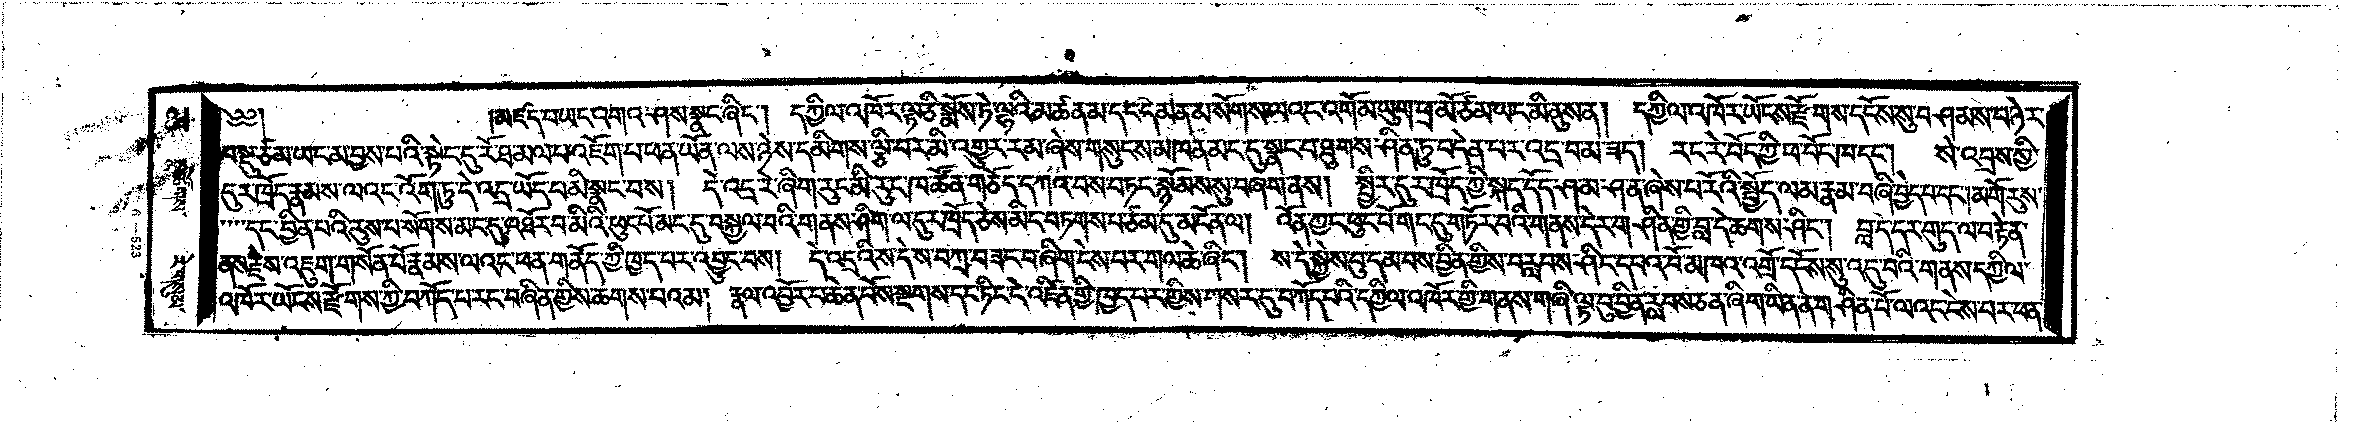༄༅། །མཛད་པ་ཡང་འགའ་ཤས་སྣང་ཞིང་། དཀྱིལ་འཁོར་ལྟ་ཅི་སྨོས་ཏེ་ལྷའི་མཚན་མ་དང་དམན་མ་སོགས་ལའང་འགོ་མ་ཡུག་ཕྲ་མོ་ཙམ་ཡང་མི་ནུས་ན། དཀྱིལ་འཁོར་ཡོངས་རྫོགས་དངོས་སུ་བཤམས་པ་ཉེར་
བསྡུ་ཙམ་ཡང་མ་བྱས་པའི་སྟེང་དུ་རོ་ཐ་མལ་པ་འཇོག་པ་ཕན་ཡོན་ལས་ཉེས་དམིགས་ལྕི་བར་མི་འགྱུར་རམ་ཞེས་གསུངས་མཁན་མང་དུ་སྣང་བ་ཐུགས་ཤིན་ཏུ་བདེན་པར་འདྲ་བ་མ་ཟད། རང་རེ་བོད་ཀྱི་ཕ་བོང་ཁ་དང་། སེ་འབྲས་ཀྱི་
དུར་ཁྲོད་རྣམས་ལའང་འོག་ཏུ་དེ་འདྲ་ཡོད་བ་མི་སྣང་བས། དེ་འདྲ་རེ་ཞིག་རུང་མི་རུང་ཁ་ཚོན་གཅོད་དཀའ་བས་བཏང་སྙོམས་སུ་བཞག་ནས། སྤྱིར་དུར་ཁྲོད་ཀྱི་སྐད་དོད་ཤམ་ཤ་ན་ཞེས་པ་རོའི་སྤྱོད་ལམ་རྣམ་བཞི་བྱེད་པ་དང་། མགོ་རུས་
དང་བྱིན་པའི་རུས་པ་སོགས་མང་དུ་འཐོར་བ་མིའི་ཕུང་པོ་མང་དུ་བསྐྱལ་བའི་གནས་ཤིག་ལ་དུར་ཁྲོད་ཅེས་མིང་བཏགས་པ་ཙམ་དུ་མངོན་ལ། འོན་ཀྱང་ཕུང་པོ་གང་དུ་གཏོར་བའི་གནས་དེར་གཤིན་གྱི་བླ་དེ་ཆགས་ཤིང་། བླ་དེ་དར་གུད་ལ་བརྟེན་
ནས་རྗེས་འཇུག་གསོན་པོ་རྣམས་ལའང་ཕན་གནོད་ཀྱི་ཁྱད་པར་འབྱུང་བས། དེ་འདྲའི་ས་དེས་བཀྲ་བཟང་བ་ཞིག་ངེས་པར་གལ་ཆེ་ཞིང་། ས་སྡེ་སྐྱེས་བུ་དམ་པས་བྱིན་གྱིས་བརླབས་ཤིང་དཔའ་བོ་མཁའ་འགྲོ་དངོས་སུ་འདུ་བའི་གནས་དཀྱིལ་
འཁོར་ཡོངས་རྫོགས་ཀྱི་བཀོད་པ་རང་བཞིན་གྱིས་ཆགས་པའམ། རྣལ་འབྱོར་པ་ཆེན་པོས་སྔགས་དང་ཏིང་ངེ་འཛིན་གྱི་ཁྱད་པར་གྱིས་གསར་དུ་བཀོད་པའི་དཀྱིལ་འཁོར་གྱི་གནས་གཞི་ལྟ་བུ་བྱིན་རླབས་ཅན་ཞིག་ཡིན་ན་གཤིན་བོ་ལའང་ངེས་བར་ཕན་